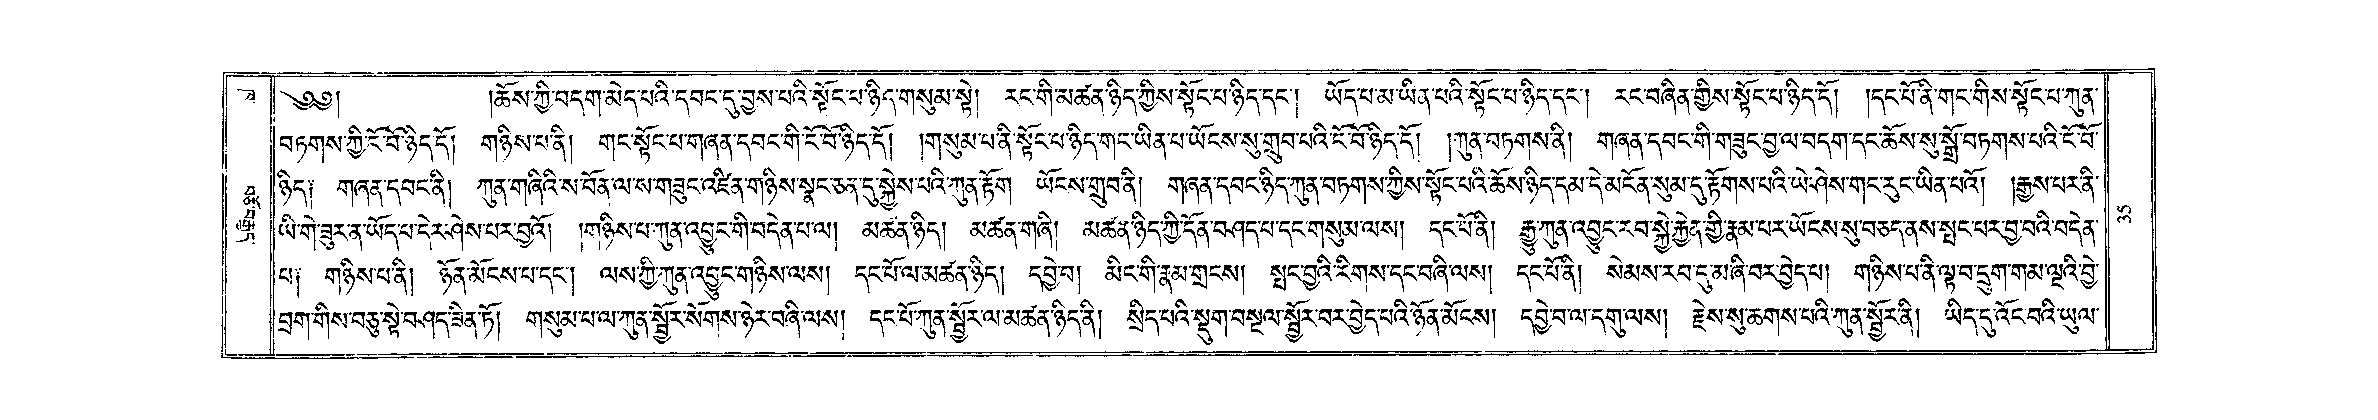༄༅། །ཆོས་ཀྱི་བདག་མེད་པའི་དབང་དུ་བྱས་པའི་སྟོང་པ་ཉིད་གསུམ་སྟེ། རང་གི་མཚན་ཉིད་ཀྱིས་སྟོང་པ་ཉིད་དང་། ཡོད་པ་མ་ཡིན་པའི་སྟོང་པ་ཉིད་དང་། རང་བཞིན་གྱིས་སྟོང་པ་ཉིད་དོ། །དང་པོ་ནི་གང་གིས་སྟོང་པ་ཀུན་
བཏགས་ཀྱི་ངོ་བོ་ཉིད་དོ། གཉིས་པ་ནི། གང་སྟོང་པ་གཞན་དབང་གི་ངོ་བོ་ཉིད་དོ། །གསུམ་པ་ནི་སྟོང་པ་ཉིད་གང་ཡིན་པ་ཡོངས་སུ་གྲུབ་པའི་ངོ་བོ་ཉིད་དོ། །ཀུན་བཏགས་ནི། གཞན་དབང་གི་གཟུང་བྱ་ལ་བདག་དང་ཆོས་སུ་སྒྲོ་བཏགས་པའི་ངོ་བོ་
ཉིད༑ གཞན་དབང་ནི། ཀུན་གཞིའི་ས་བོན་ལ་ས་གཟུང་འཛིན་གཉིས་སྣང་ཅན་དུ་སྐྱེས་པའི་ཀུན་རྟོག་ཡོངས་གྲུབ་ནི། གཞན་དབང་ཉིད་ཀུན་བཏགས་ཀྱིས་སྟོང་པའི་ཆོས་ཉིད་དམ་དེ་མངོན་སུམ་དུ་རྟོགས་པའི་ཡེ་ཤེས་གང་རུང་ཡིན་པའོ། །རྒྱས་པར་ནི་
ཡི་གེ་ཟུར་ན་ཡོད་པ་དེར་ཤེས་པར་བྱའོ། །གཉིས་པ་ཀུན་འབྱུང་གི་བདེན་པ་ལ། མཚན་ཉིད། མཚན་གཞི། མཚན་ཉིད་ཀྱི་དོན་བཤད་པ་དང་གསུམ་ལས། དང་པོ་ནི། རྒྱུ་ཀུན་འབྱུང་རབ་སྐྱེ་རྐྱེན་གྱི་རྣམ་པར་ཡོངས་སུ་བཅད་ནས་སྤང་པར་བྱ་བའི་བདེན་
པ༑ གཉིས་པ་ནི། ཉོན་མོངས་པ་དང་། ལས་ཀྱི་ཀུན་འབྱུང་གཉིས་ལས། དང་པོ་ལ་མཚན་ཉིད། དབྱེ་བ། མིང་གི་རྣམ་གྲངས། སྤང་བྱའི་རིགས་དང་བཞི་ལས། དང་པོ་ནི། སེམས་རབ་དུ་མ་ཞི་བར་བྱེད་པ། གཉིས་པ་ནི་ལྟ་བ་དྲུག་གམ་ལྔའི་བྱེ་
བྲག་གིས་བཅུ་སྟེ་བཤད་ཟིན་ཏོ། གསུམ་པ་ལ་ཀུན་སྦྱོར་སོགས་ཉེར་བཞི་ལས། དང་པོ་ཀུན་སྦྱོར་ལ་མཚན་ཉིད་ནི། སྲིད་པའི་སྡུག་བསྔལ་སྦྱོར་བར་བྱེད་པའི་ཉོན་མོངས། དབྱེ་བ་ལ་དགུ་ལས། རྗེས་སུ་ཆགས་པའི་ཀུན་སྦྱོར་ནི། ཡིད་དུ་འོང་བའི་ཡུལ་